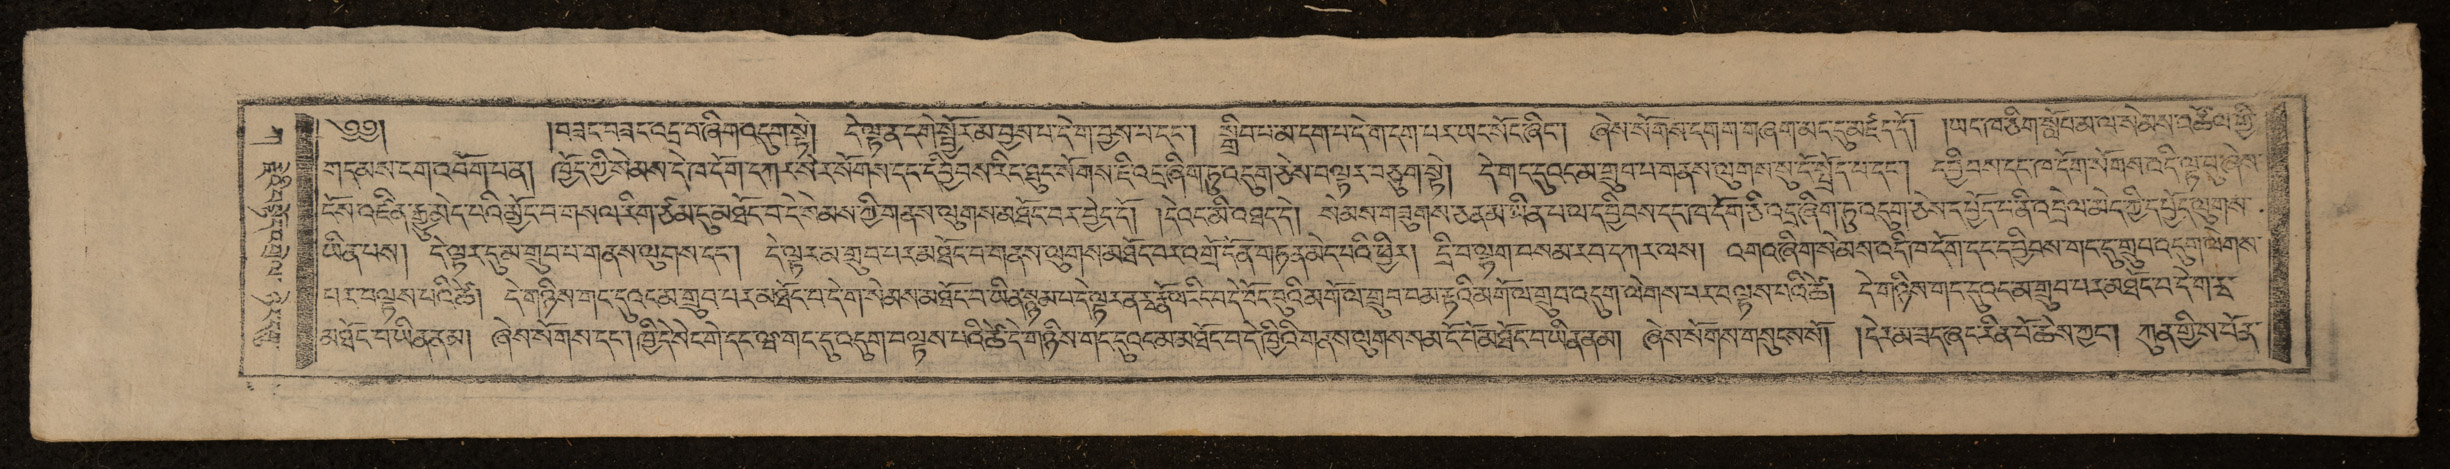༄༅། །བཟང་བཟང་འདྲ་པ་ཞིག་འདུག་སྟེ། དེ་ལྟ་ན་དགེ་སྦྱོར་མ་བྱས་བ་དེ་ག་བྱས་པ་དང་། སྒྲིབ་པ་མ་དག་བ་དེ་གདག་བར་ཡང་སོང་ཞིང་། ཞེས་སོགས་དགག་གཞག་མང་དུ་མཛད་དོ། །ཡང་ཁ་ཅིག་སློབ་མ་ལ་སེམས་འཚོལ་གྱི་
གདམས་ངག་འབོག་པ་ན། ཁྱོད་ཀྱི་སེམས་དེ་ཁ་དོག་དཀར་སེར་སོགས་དང་དབྱིབས་རིང་ཐུང་སོགས་ཇི་འདྲ་ཞིག་ཏུ་འདུག་ཅེས་བ་ལྟར་བཅུག་སྟེ། དེ་གང་དུའང་མ་གྲུབ་པ་གནས་ལུགས་སུ་ངོ་སྤྲོད་པ་དང་། དབྱིབས་དང་ཁ་དོག་སོགས་འདི་ལྟ་བུ་ཞེས་
ངོས་འཛིན་རྒྱུ་མེད་པའི་མྱོང་བ་གསལ་རིག་ཙམ་དུ་མཐོང་བ་དེ་སེམས་ཀྱི་གནས་ལུགས་མཐོང་བར་བྱེད་དོ། །དེའང་མི་འཐད་དེ། སེམས་གཟུགས་ཅན་མ་ཡིན་པ་ལ་དབྱིབས་དང་ཁ་དོག་ཅི་འདྲ་ཞིག་ཏུ་འདུག་ཅེས་དཔྱོད་བ་ནི་འབྲེལ་མེད་ཀྱི་དཔྱོད་ལུགས་
ཡིན་པས། དེ་ལྟར་དུ་མ་གྲུབ་པ་གནས་ལུགས་དང་། དེ་ལྟར་མ་གྲུབ་པར་མཐོང་བ་གནས་ལུགས་མཐོང་བར་འགྲོ་དོན་གཏན་མད་པའི་ཕྱིར། དྲི་བ་ལྷག་བསམ་རབ་དཀར་ལས། འགའ་ཞིག་སེམས་འདི་ཁ་དོག་དང་དབྱིབས་གང་དུ་གྲུབ་འདུག་ལེགས་
པར་བལྟས་པའི་ཚེ། དེ་གཉིས་གང་དུའང་མ་གྲུབ་པར་མཐོང་བ་དེ་ག་སེམས་མཐོང་བ་ཡིན་སྙམ་པ་དེ་ལྟར་ན་རྭ་རྣོལ་རིང་བ་དེ་བོང་བུའི་མགོ་ལ་གྲུབ་བ་མ་རྟའི་མགོ་ལ་གྲུབ་འདུག་ལེགས་པར་བལྟས་པའི་ཚེ། དེ་གཉིས་གང་དུའང་མ་གྲུབ་པར་མཐོང་བ་དེ་ག་རྭ་
མཐོང་བ་ཡིན་ནམ། ཞེས་སོགས་དང་། ཁྱེད?་སེང་གེ་དང་ཝ་གང་དུ་འཇུག་བལྟས་བའི་ཚེ་དེ་གཉིས་གང་དུའང་མ་མཐོང་བ་དེ་ཁྱིའི་གནས་ལུགས་སམ་ངོ་བོ་མཐོང་བ་ཡིན་ནམ། ཞེས་སོགས་གསུངས་སོ། །དེར་མ་ཟད་ཞང་རིན་པོ་ཆེས་ཀྱང་། ཀུན་གྱི་ས་བོན་